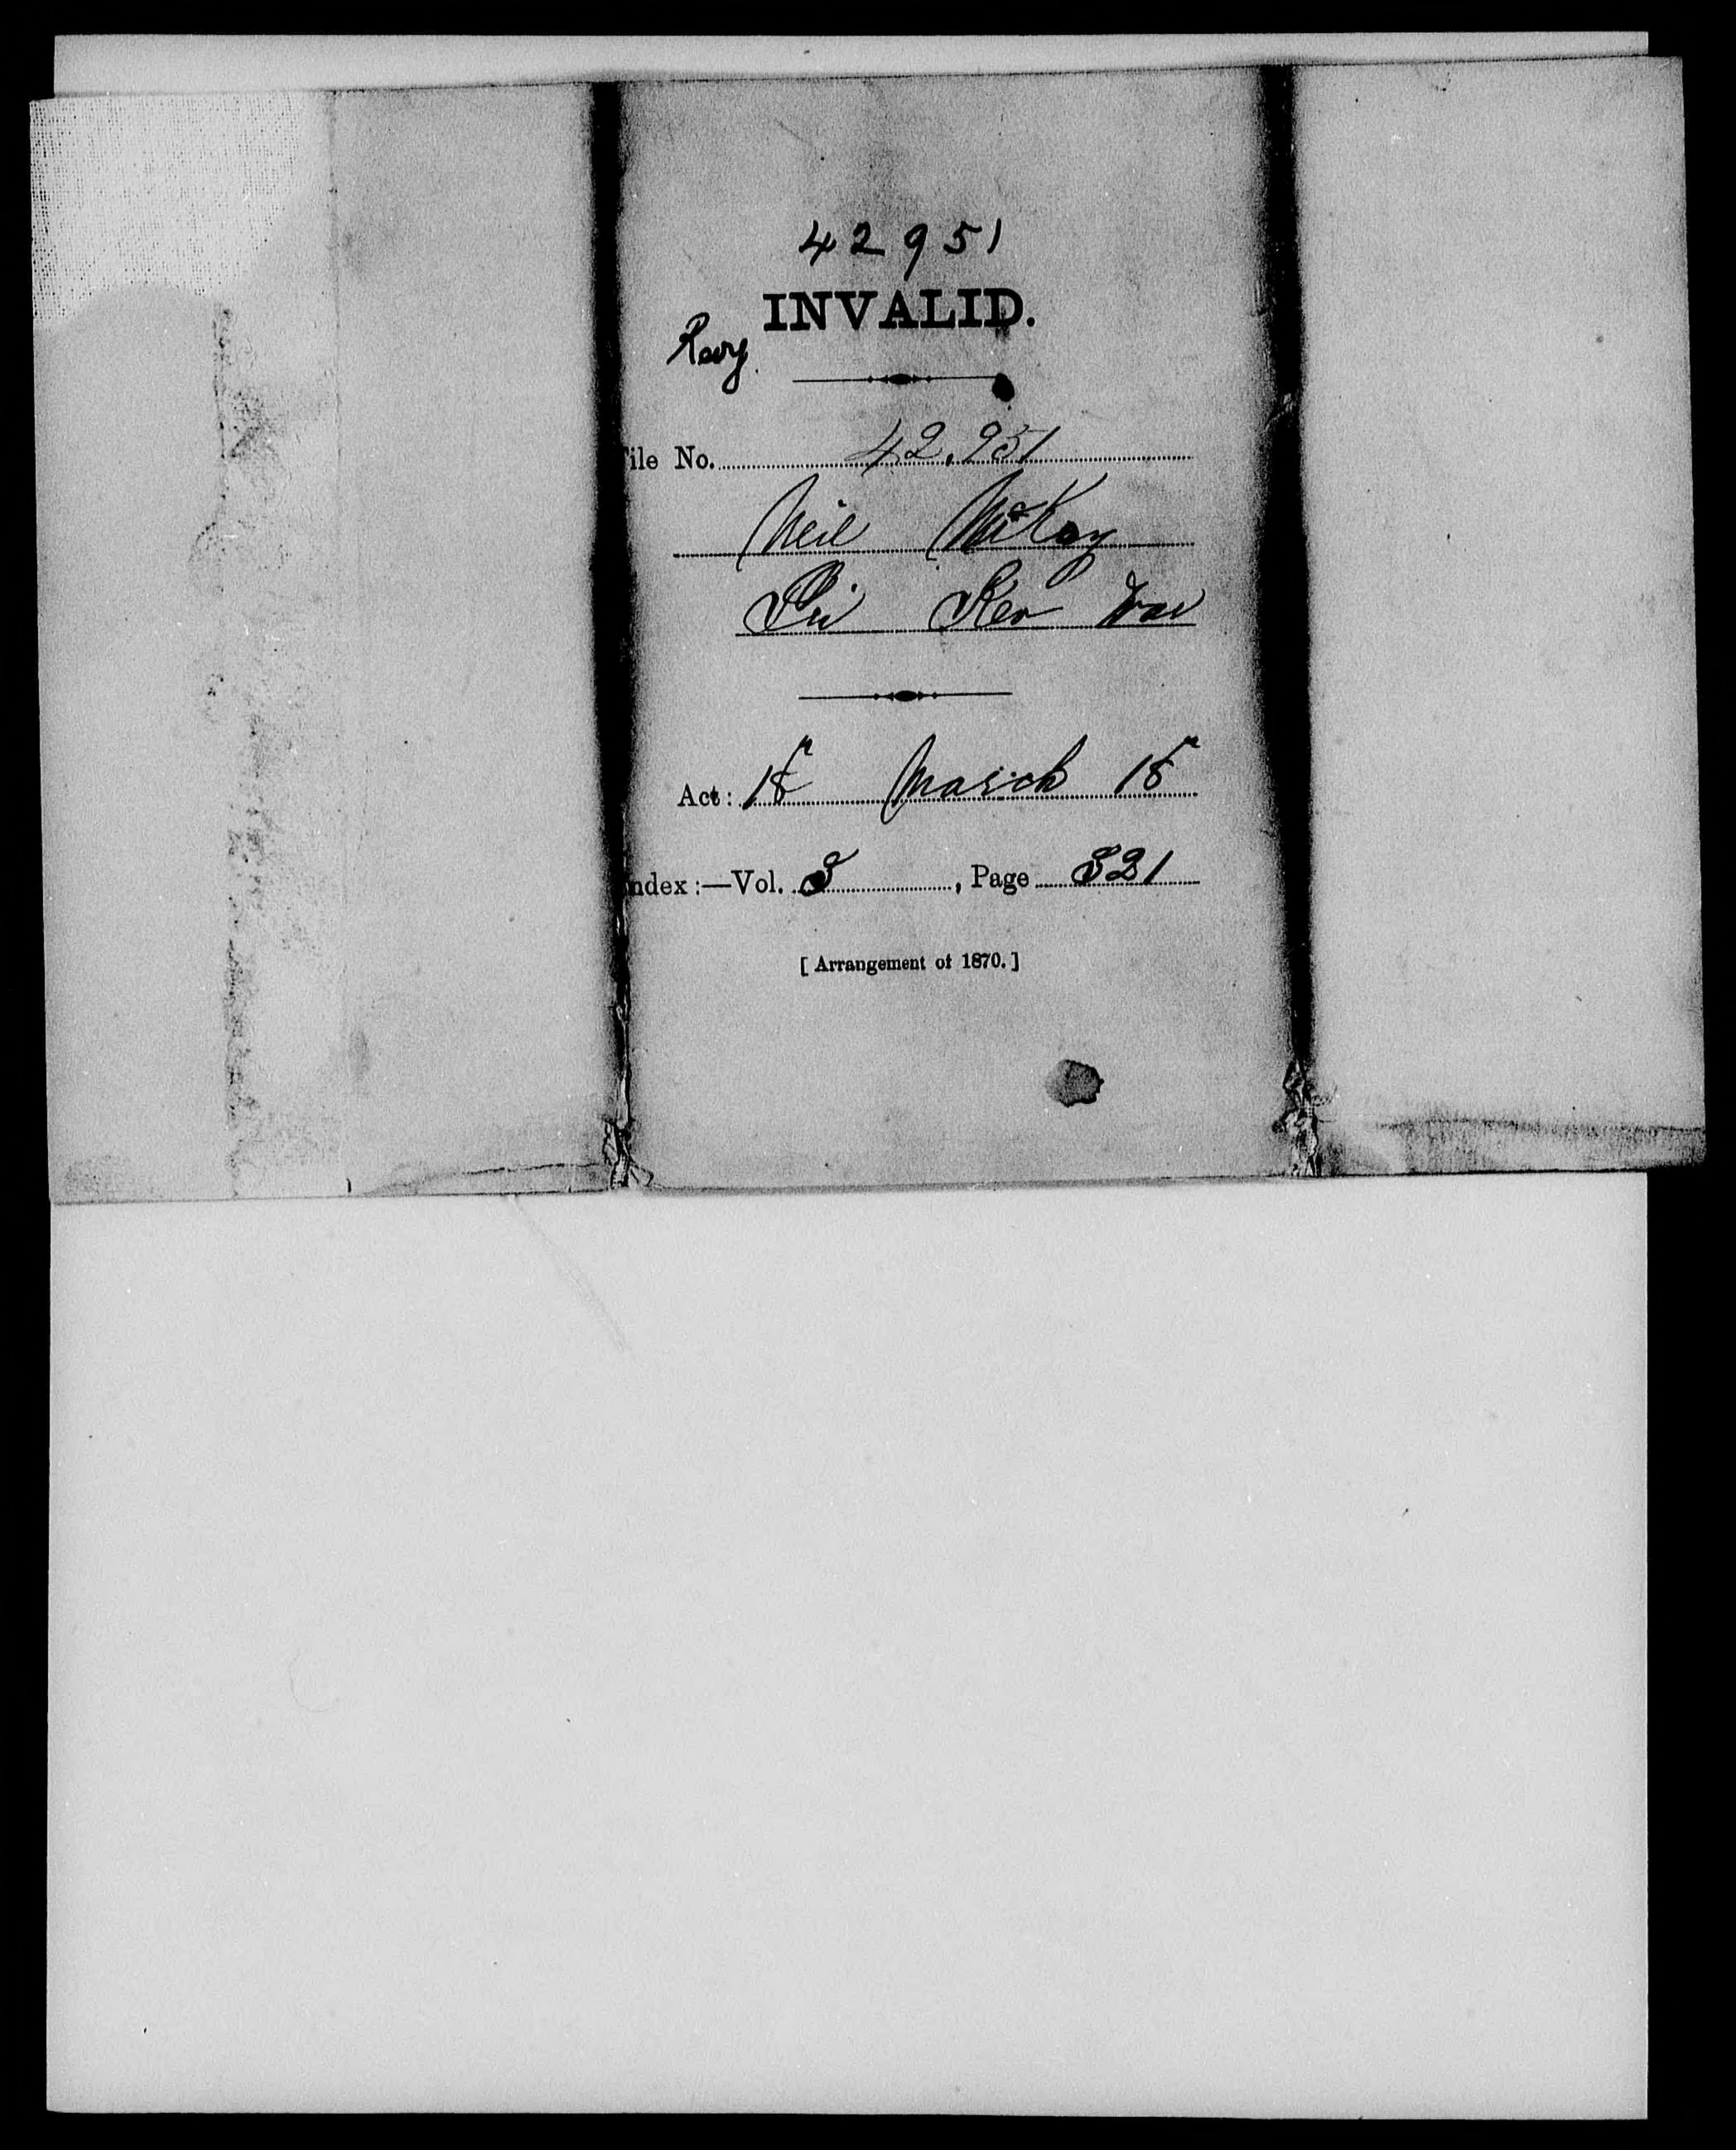42951
INVALID
Revry [?]
File No. 42951
Neil McKoy
In Rev War
Act: 18 March 18
Index: - Vol 3, Page 321
[Arrangement of 1870]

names: Neil Mc Koy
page: 11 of 11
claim: survivor's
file: S. 42951, for Neil Mc Koy, Massachusetts